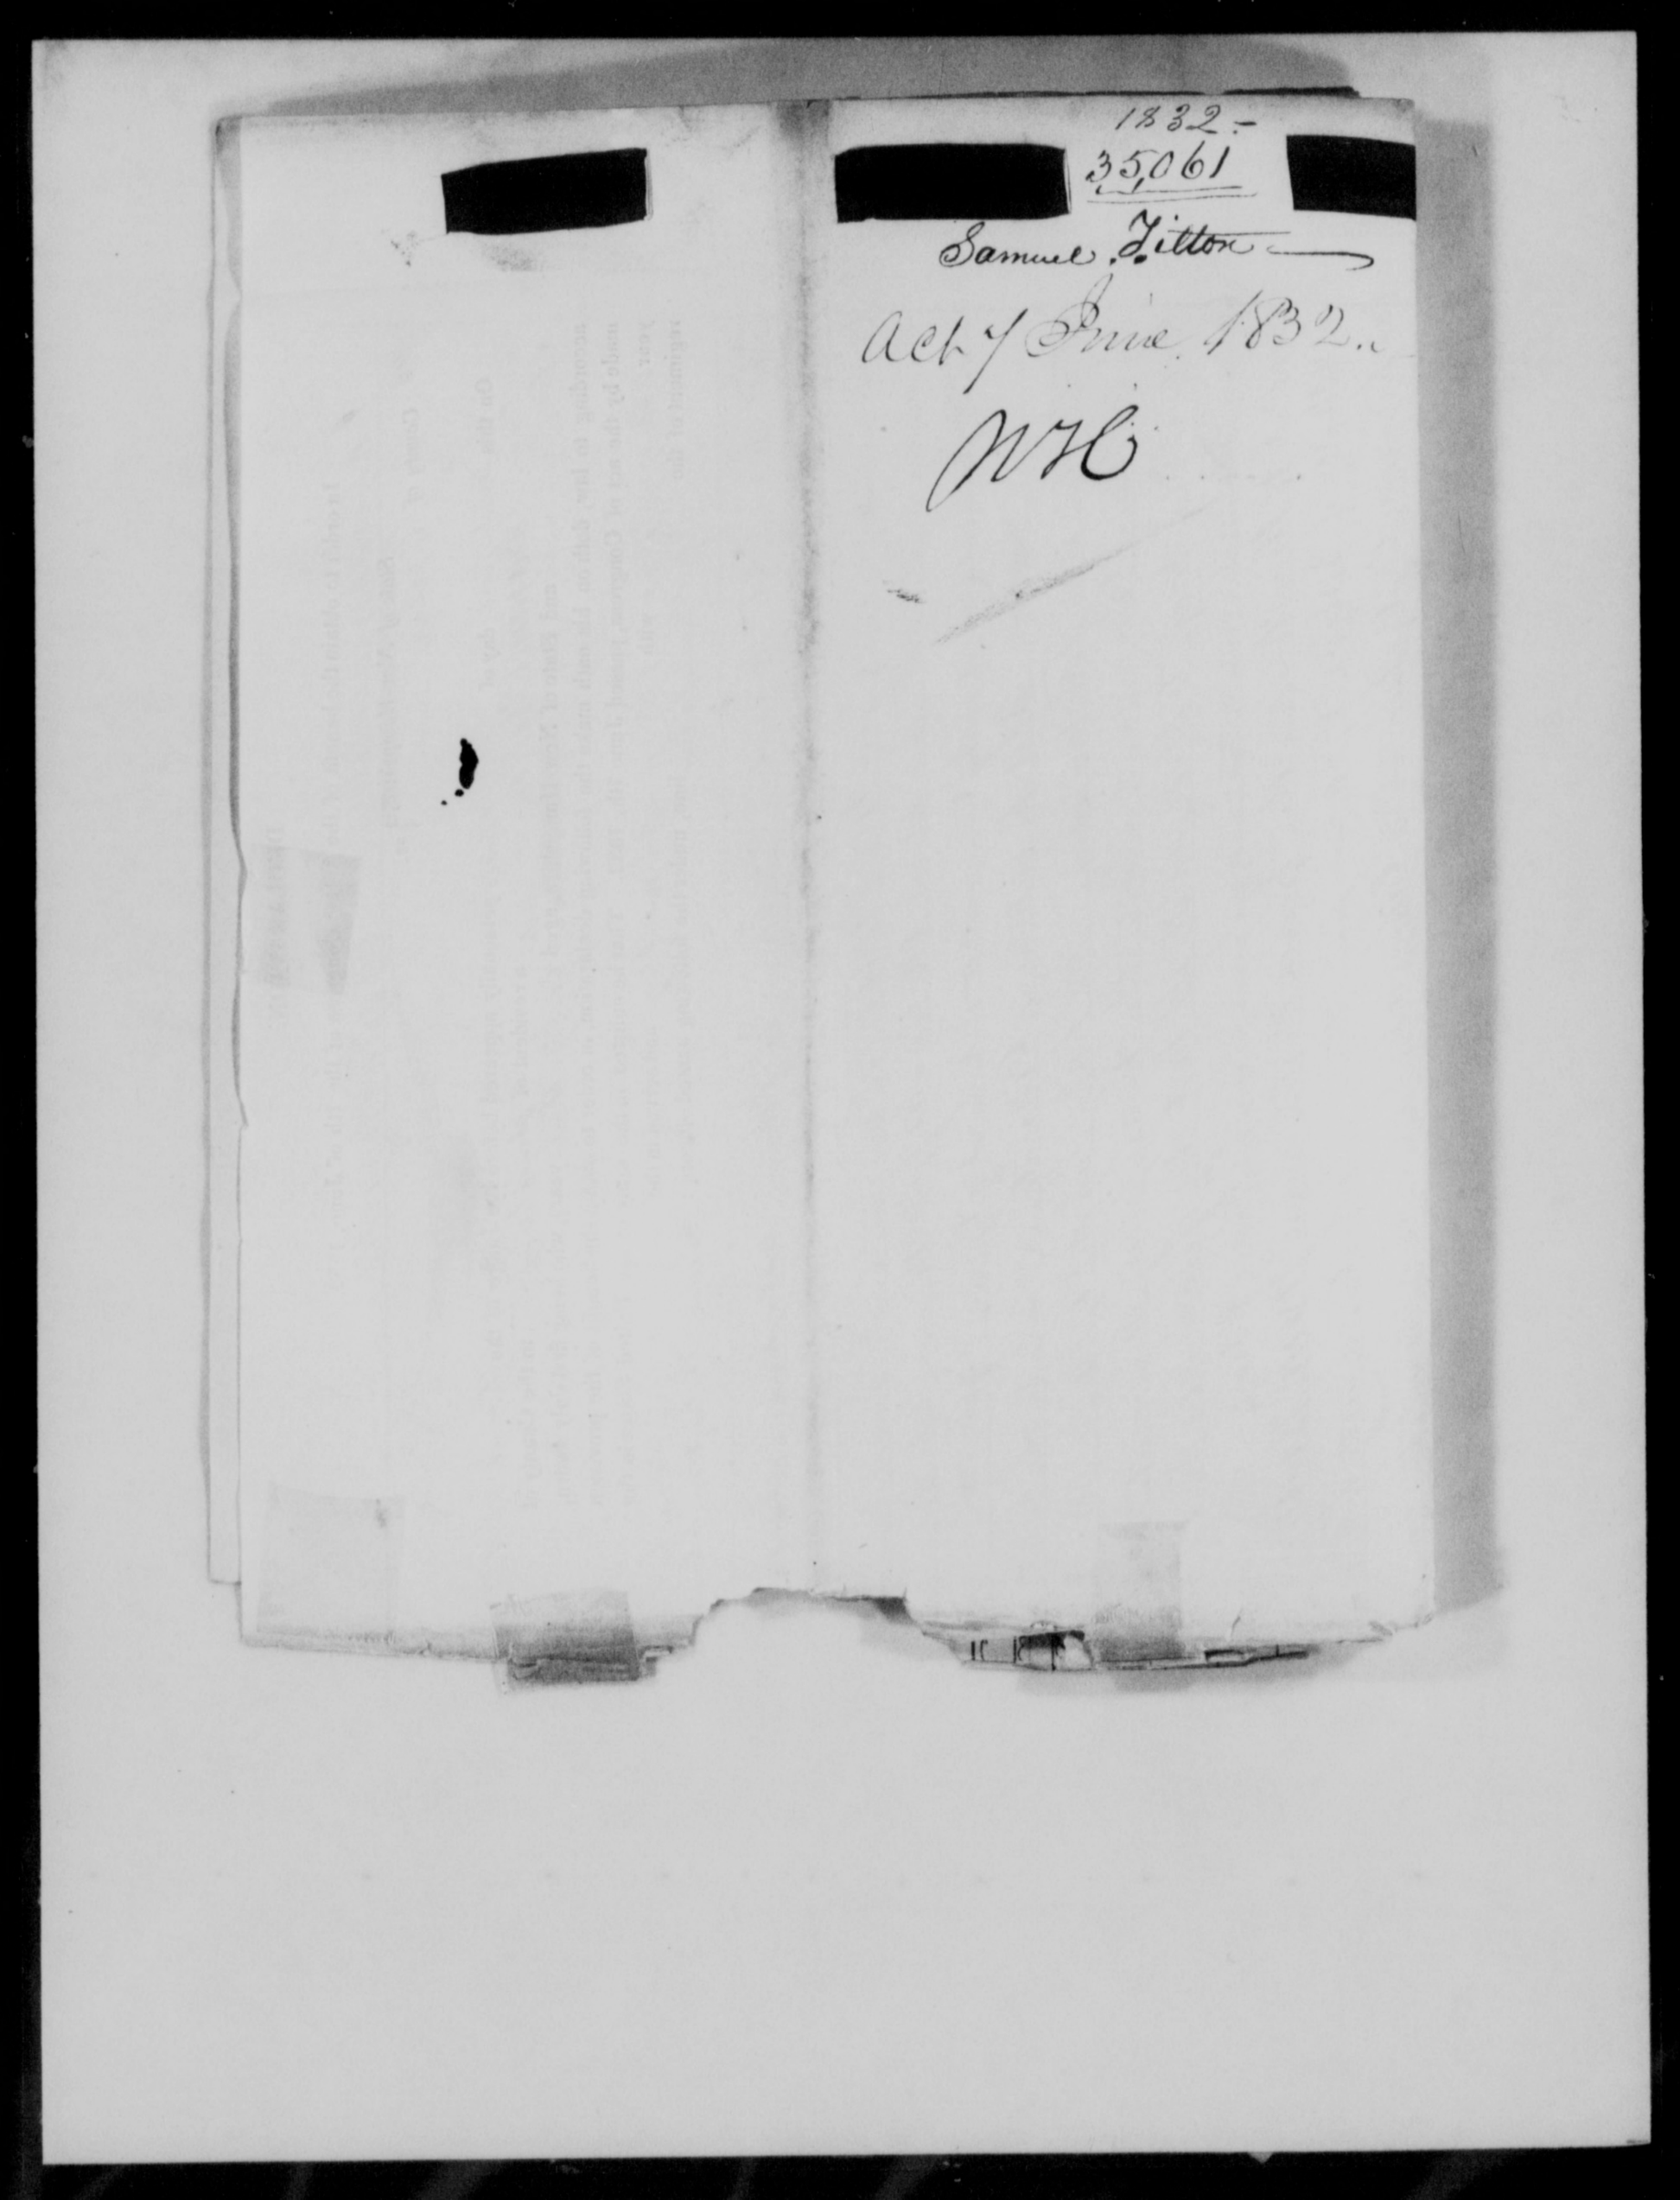1832
35,061
Samuel Tilton
Act 7 June 1832
NH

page: 4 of 55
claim: widow's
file: W. 14,021, for Samuel Tilton, New Hampshire